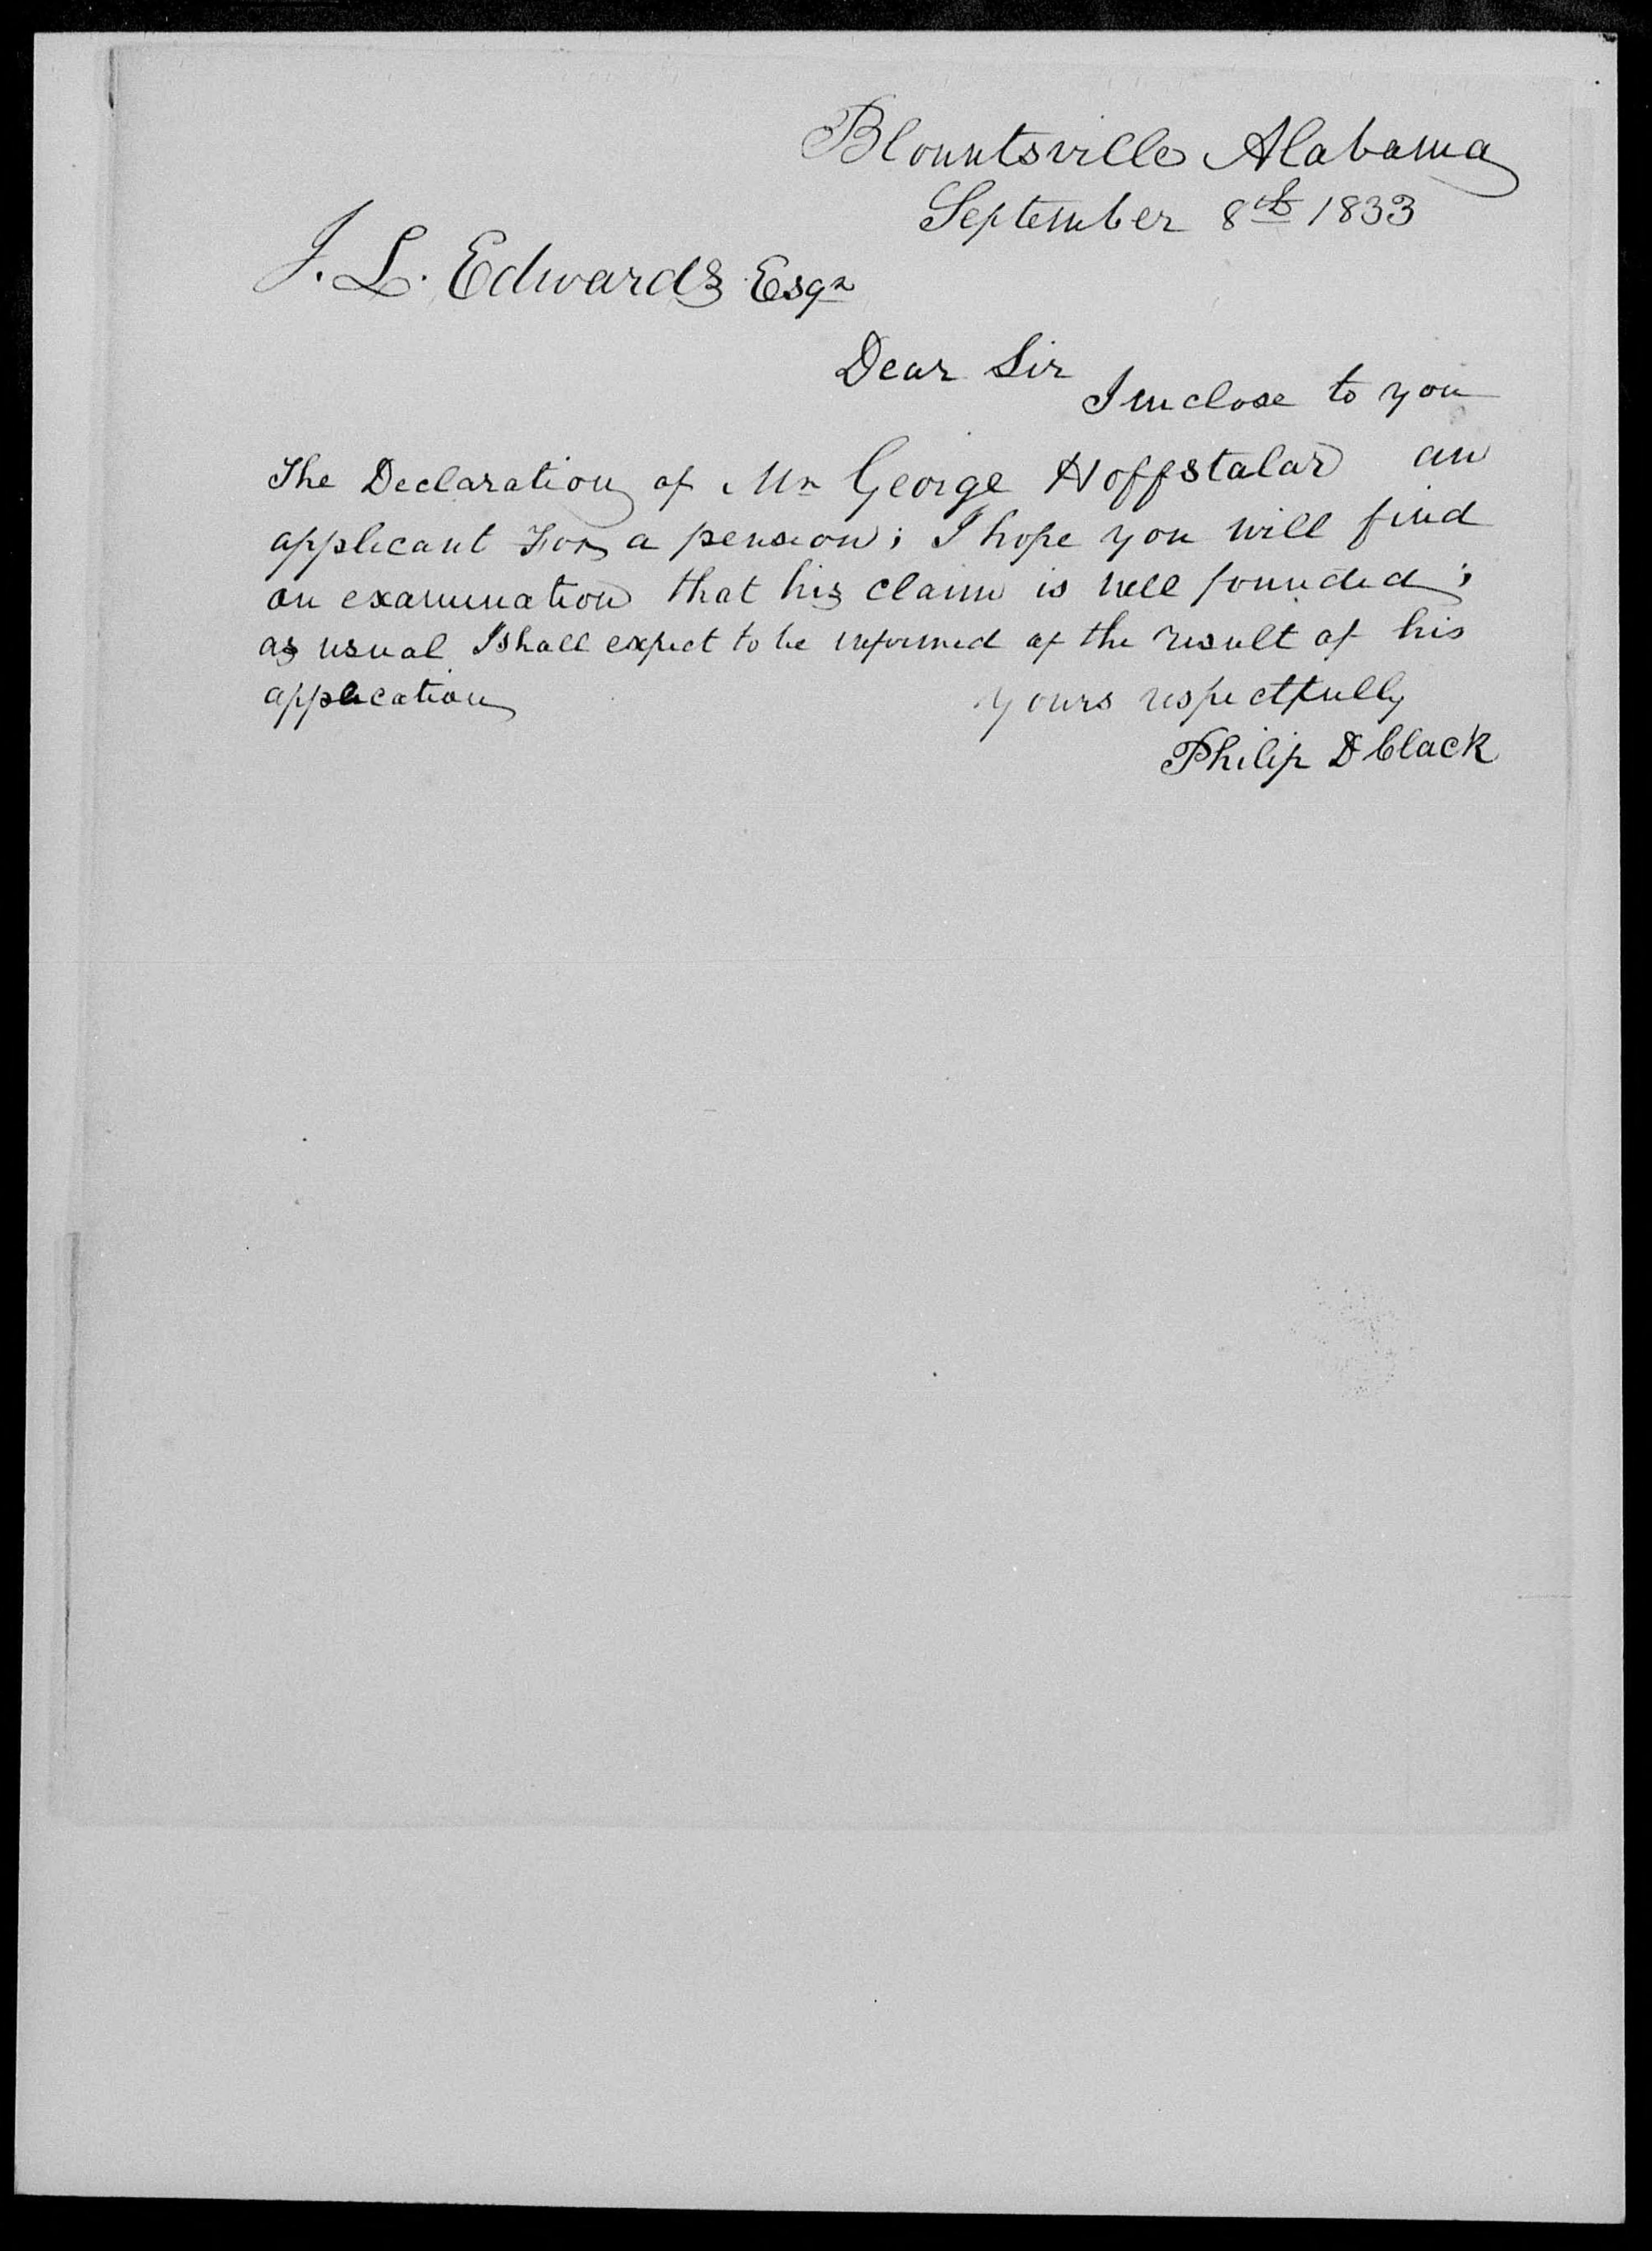Blountsville Alabama
September 8th 1833
J. L. Edwards Esqr
Dear Sir
I enclose to you the Declaration of Mr George Hoffstalar an applicant for a pension; I hope you will find an examination that his claim is well founded; as usual I shall expect to be informed of the result of his application
Yours respectfully
Philip D Clack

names: George Hoffstalar, J L Edwards, Philip D Clack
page: 18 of 18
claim: survivor's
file: S. 15176, George Hofstalar, N.C.